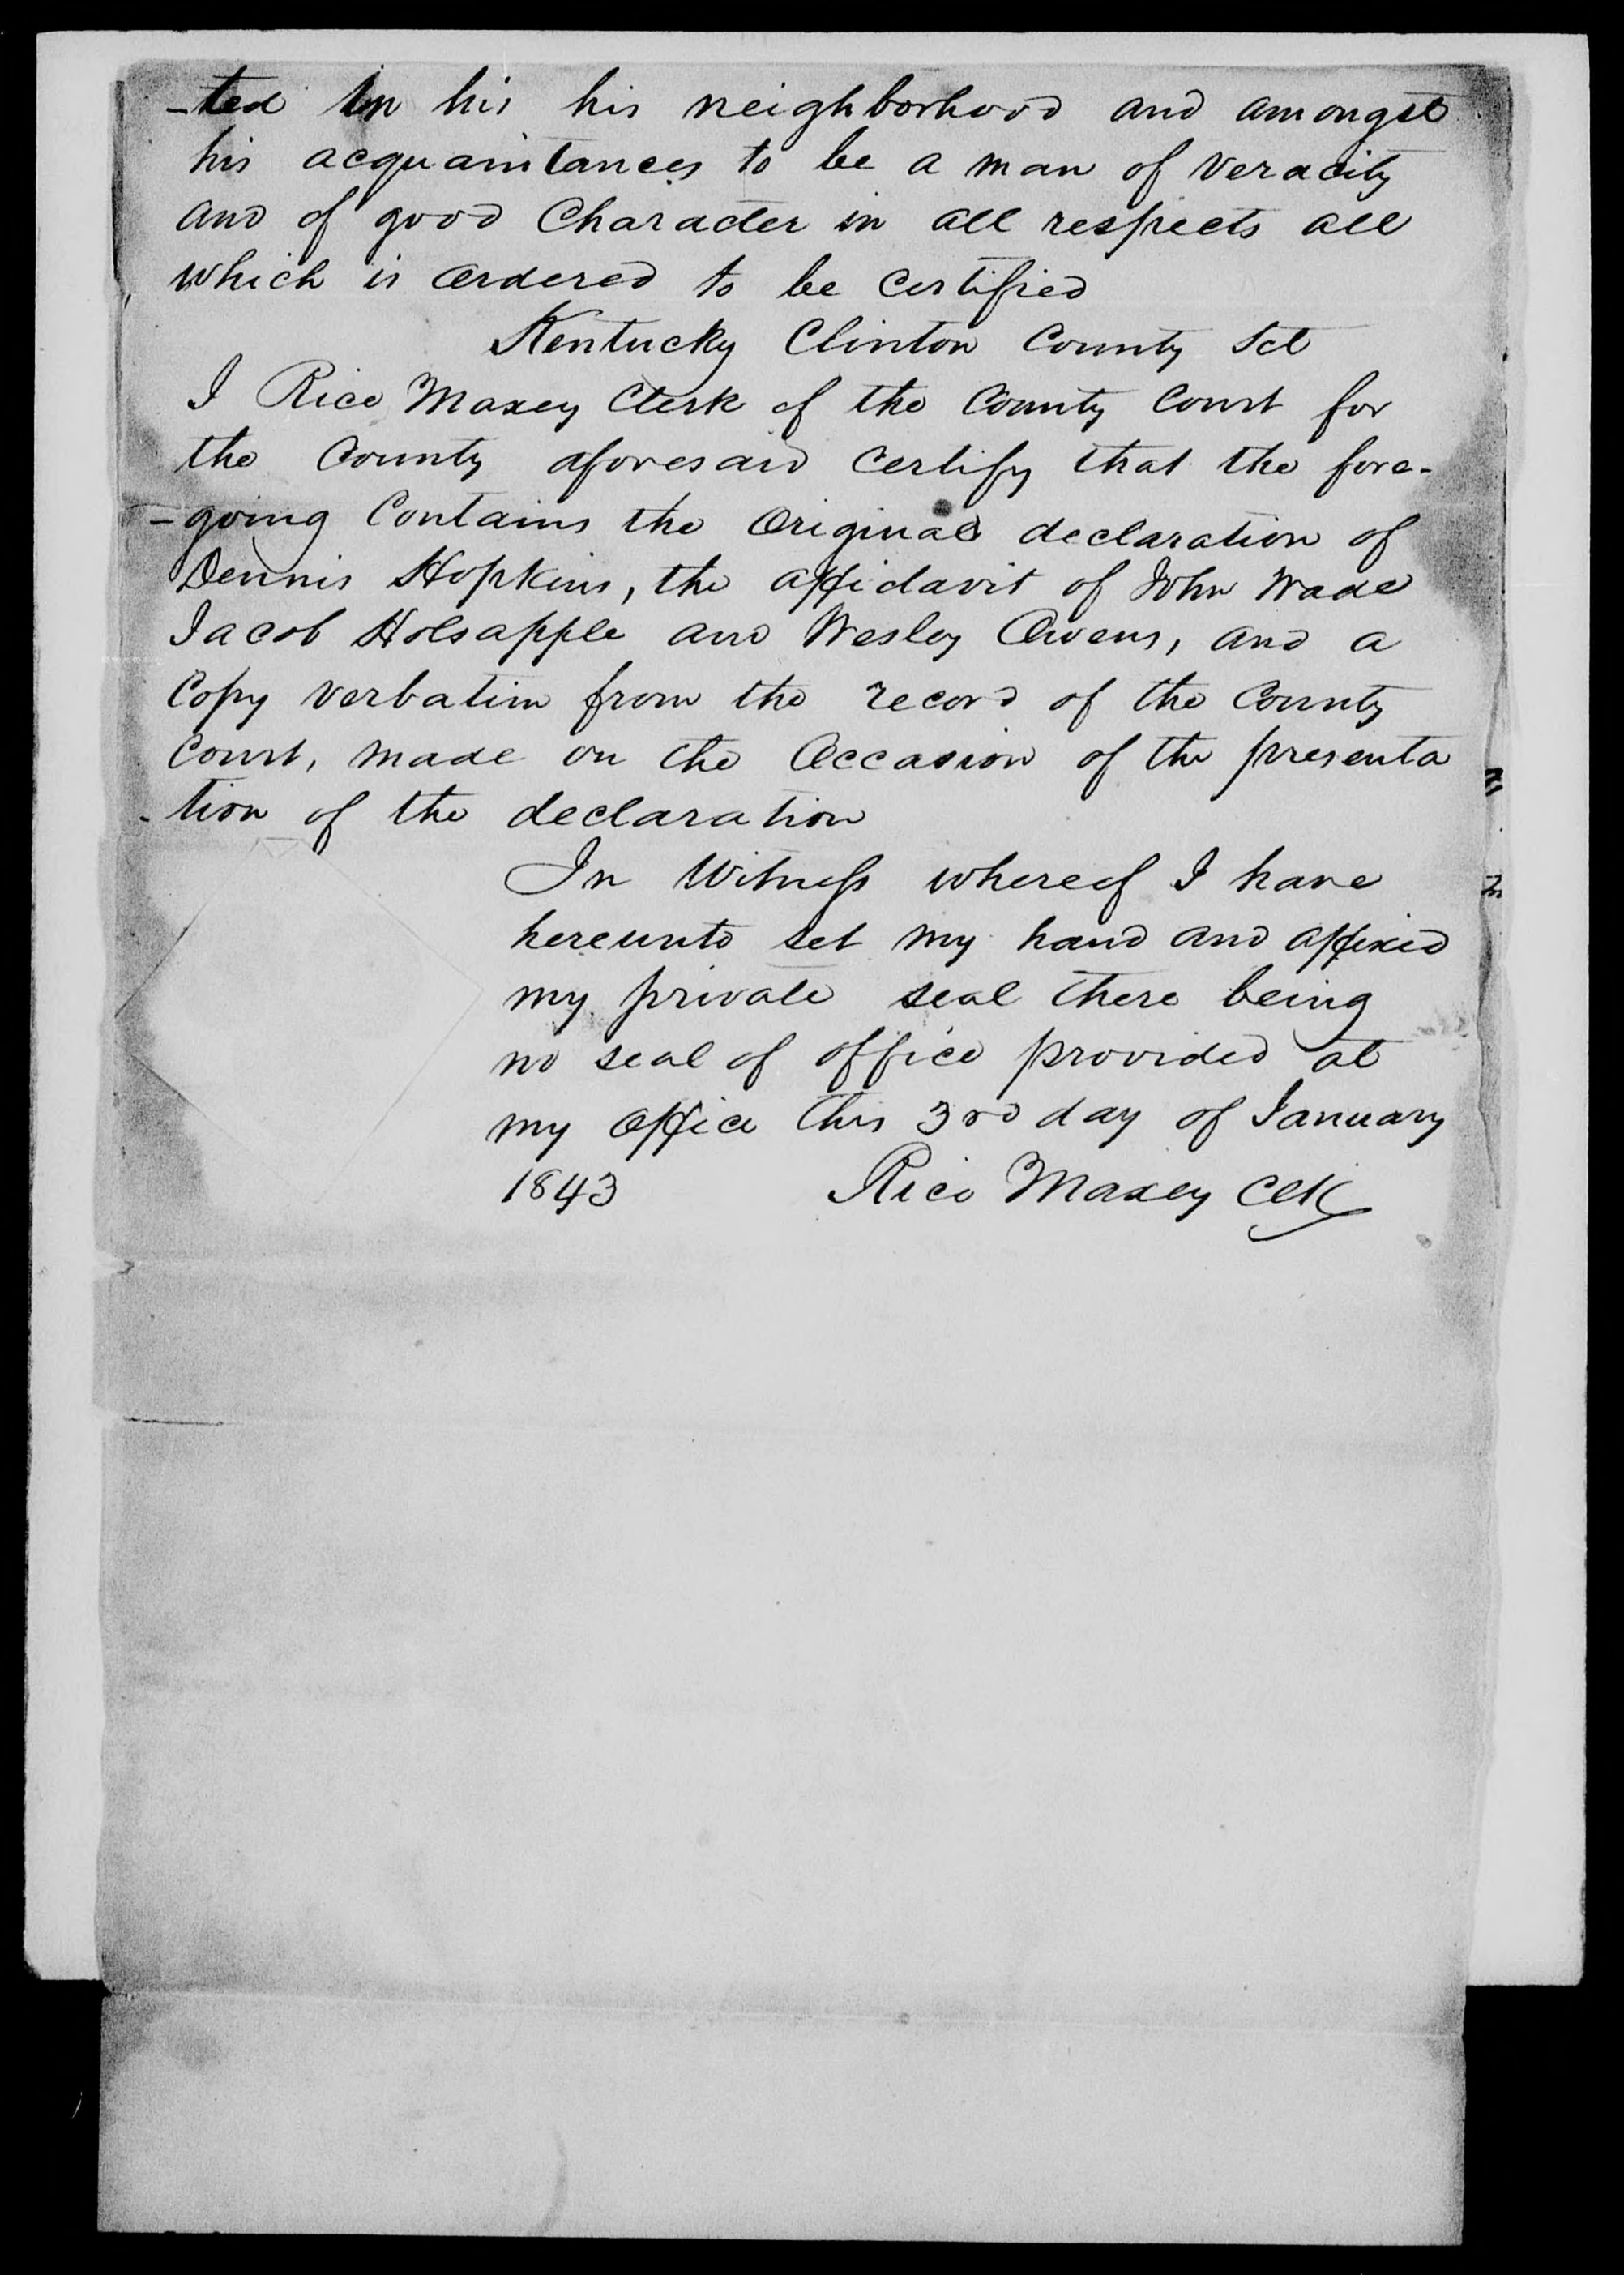ted in his his neighborhood and amongst his acquaintances to be a man of veracity and of good character in all respects all which is ordered to be certified Kentucky Clinton County Sct I Rice Maxey Clerk of the County Court for the County aforesaid certify that the foregoing contains the original declaration of Dennis Hopkins, the affidavit of John Wade Jacob Holsapple and Wesley Owens, and a copy verbation from the record of the County Court, made on the occasion of the presentation of the declaration
In Witness whereof I have
hereunto set my hand and affixed
my private seal there being
no seal of office provided at
my Office this 3rd day of January
1843
Rice Maxey Clk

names: John Wade, Rice Maxey, Jacob Holsapple, Dennis Hopkins, Wesley Owens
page: 7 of 144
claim: rejected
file: R. 5208, Dennis Hopkins, N.C.